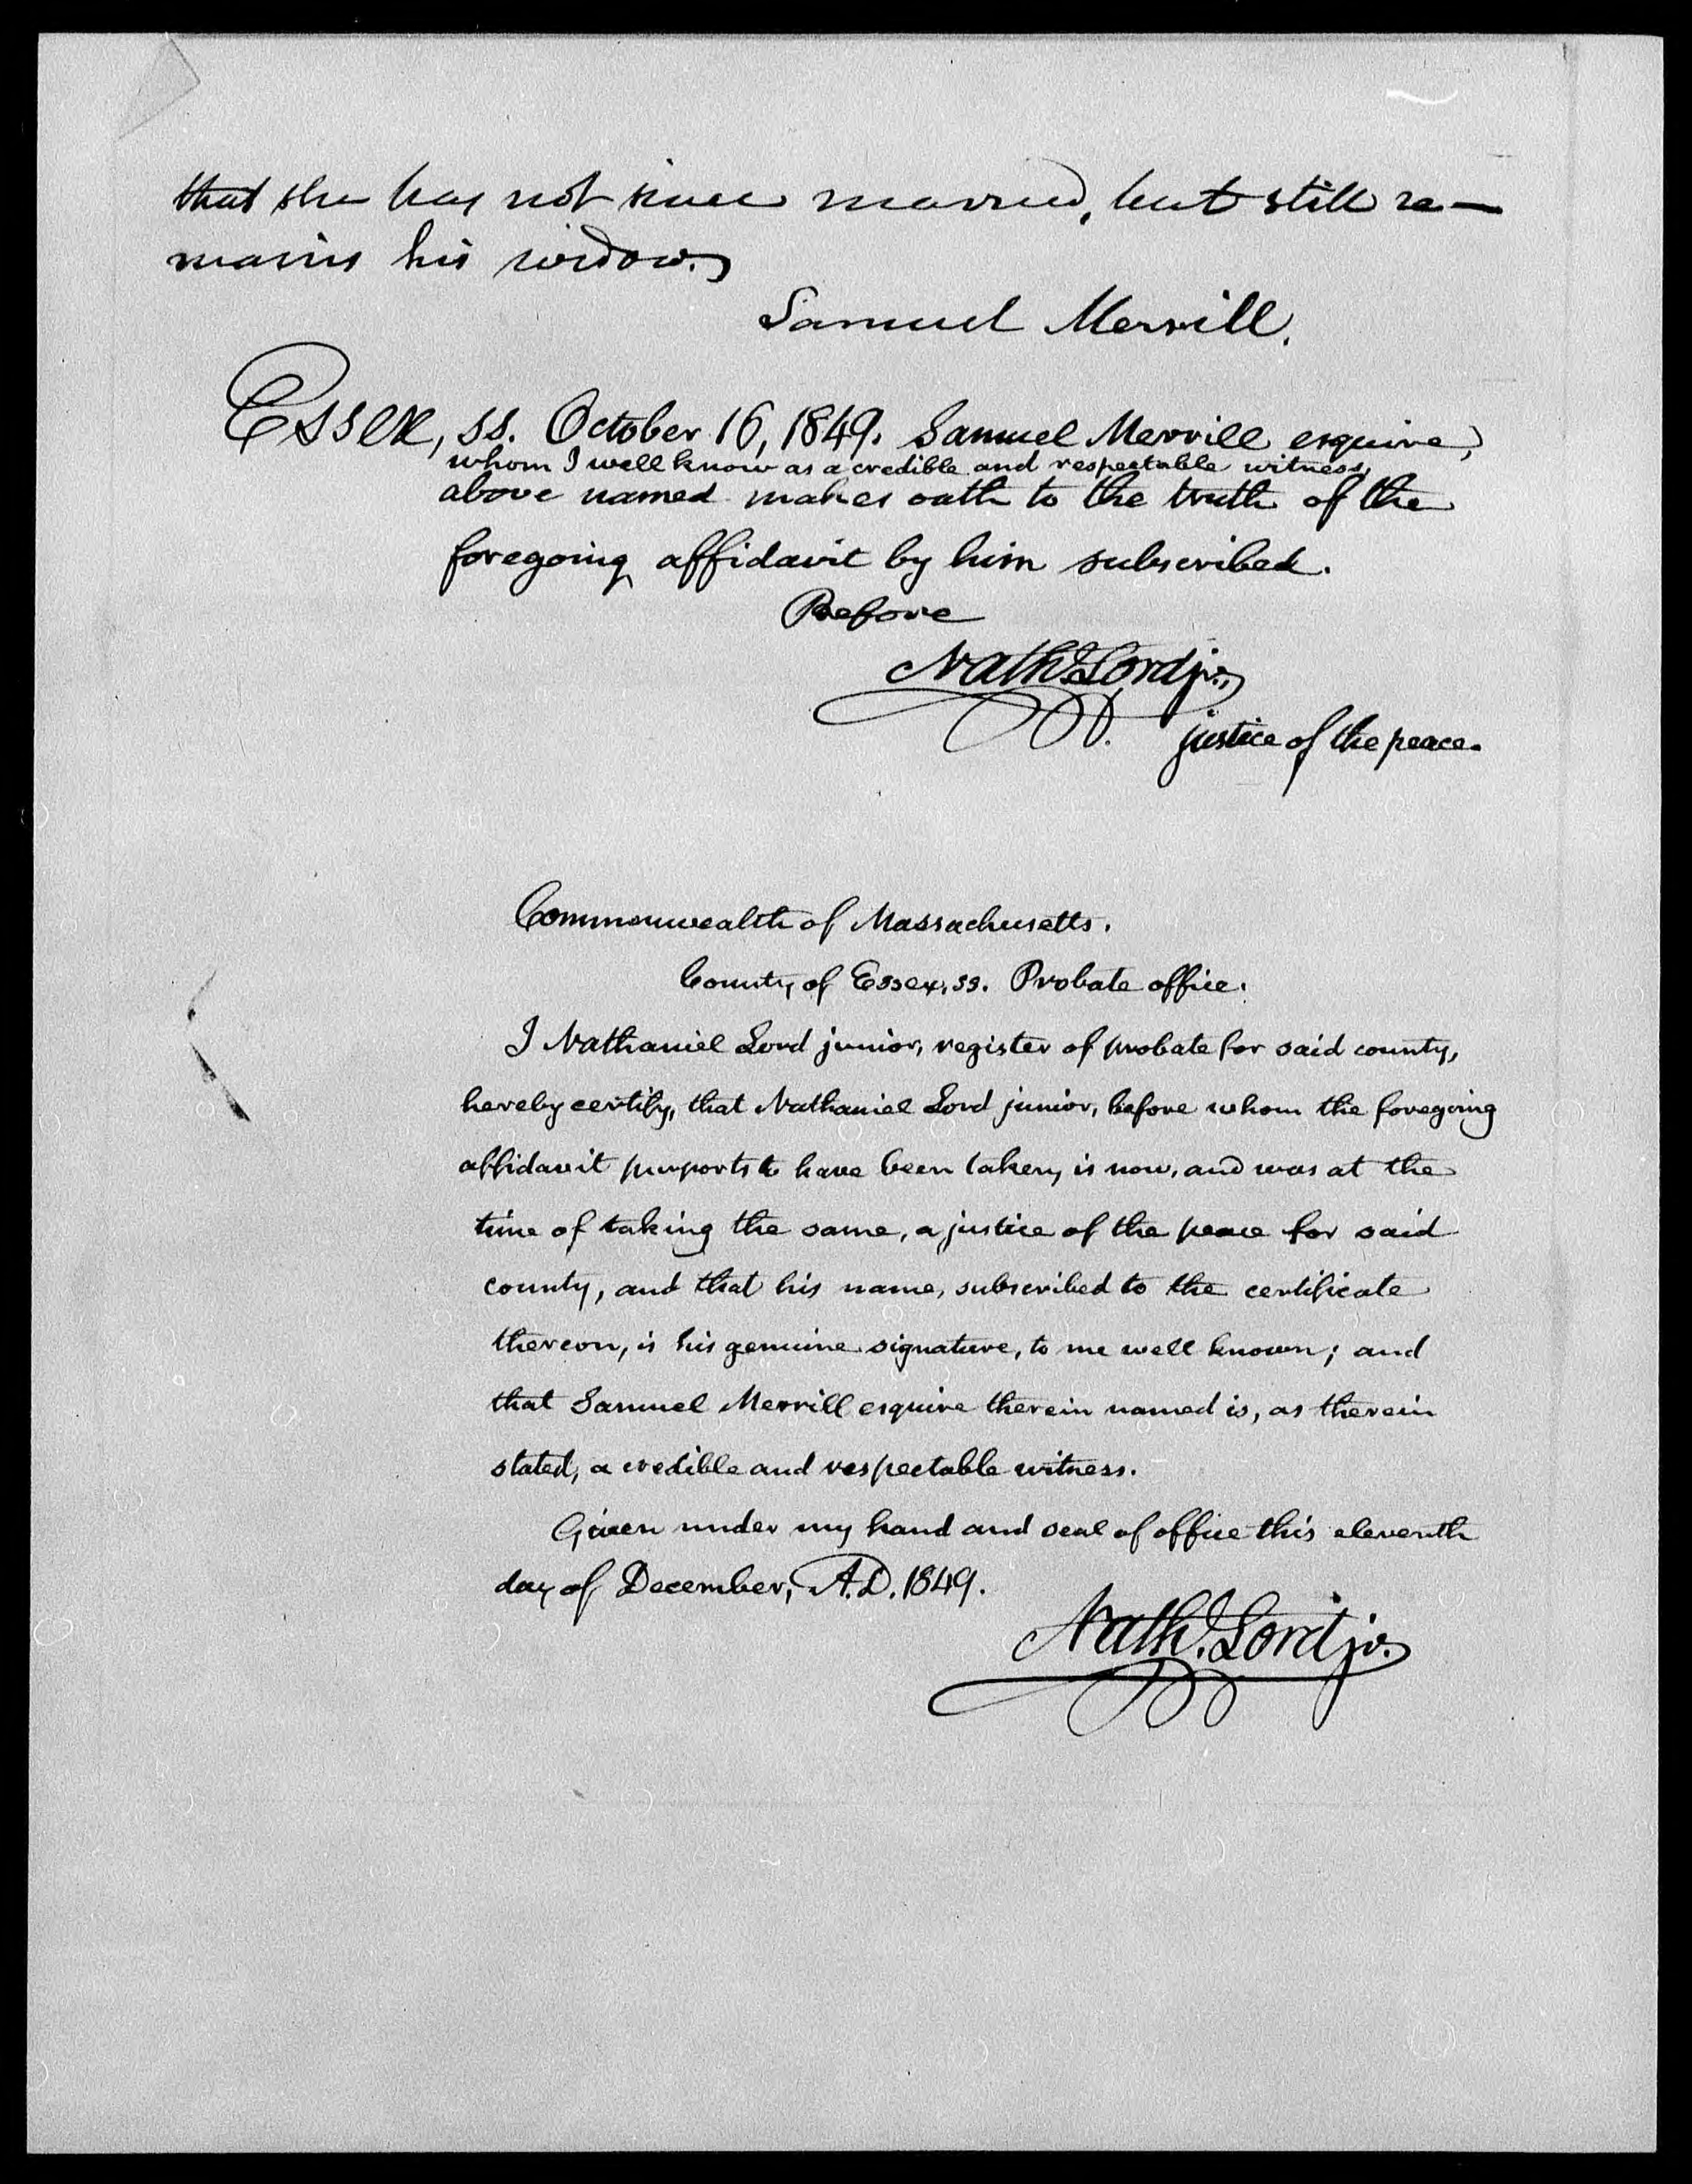that she has not since married, but still remains his widow.
Samuel Merrill.


Essex, ss. October 16, 1849, Samuel Merrill esquire, whom I well know as a credible and respectable witness, above named makes oath to the truth of the foregoing affidavit of him subscribed before.
Nath Lord jr
Justice of the peace


Commonwealth of Massachusetts
County of Essex, ss. Probate office,
I Nathaniel Lord junior, register of probate for said county, hereby certify, that Nathaniel Lord junior, before whom the foregoing affidavit purports to have been taken, is now, and was at the time of taking the same, a justice of the peace for said county, and that his name, subscribed to the certificate thereon, is his genuine signature, to me well known; and that Samuel Merrill esquire therein named is, as therein stated, a credible and respectable witness.
Given under my hand and seal of office this eleventh day of December, A.D. 1849.
Nath Lord jr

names: Samuel Merrill; Nathaniel Lord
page: 18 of 29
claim: widow's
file: W. 1779, for Richard Kimball, Massachusetts